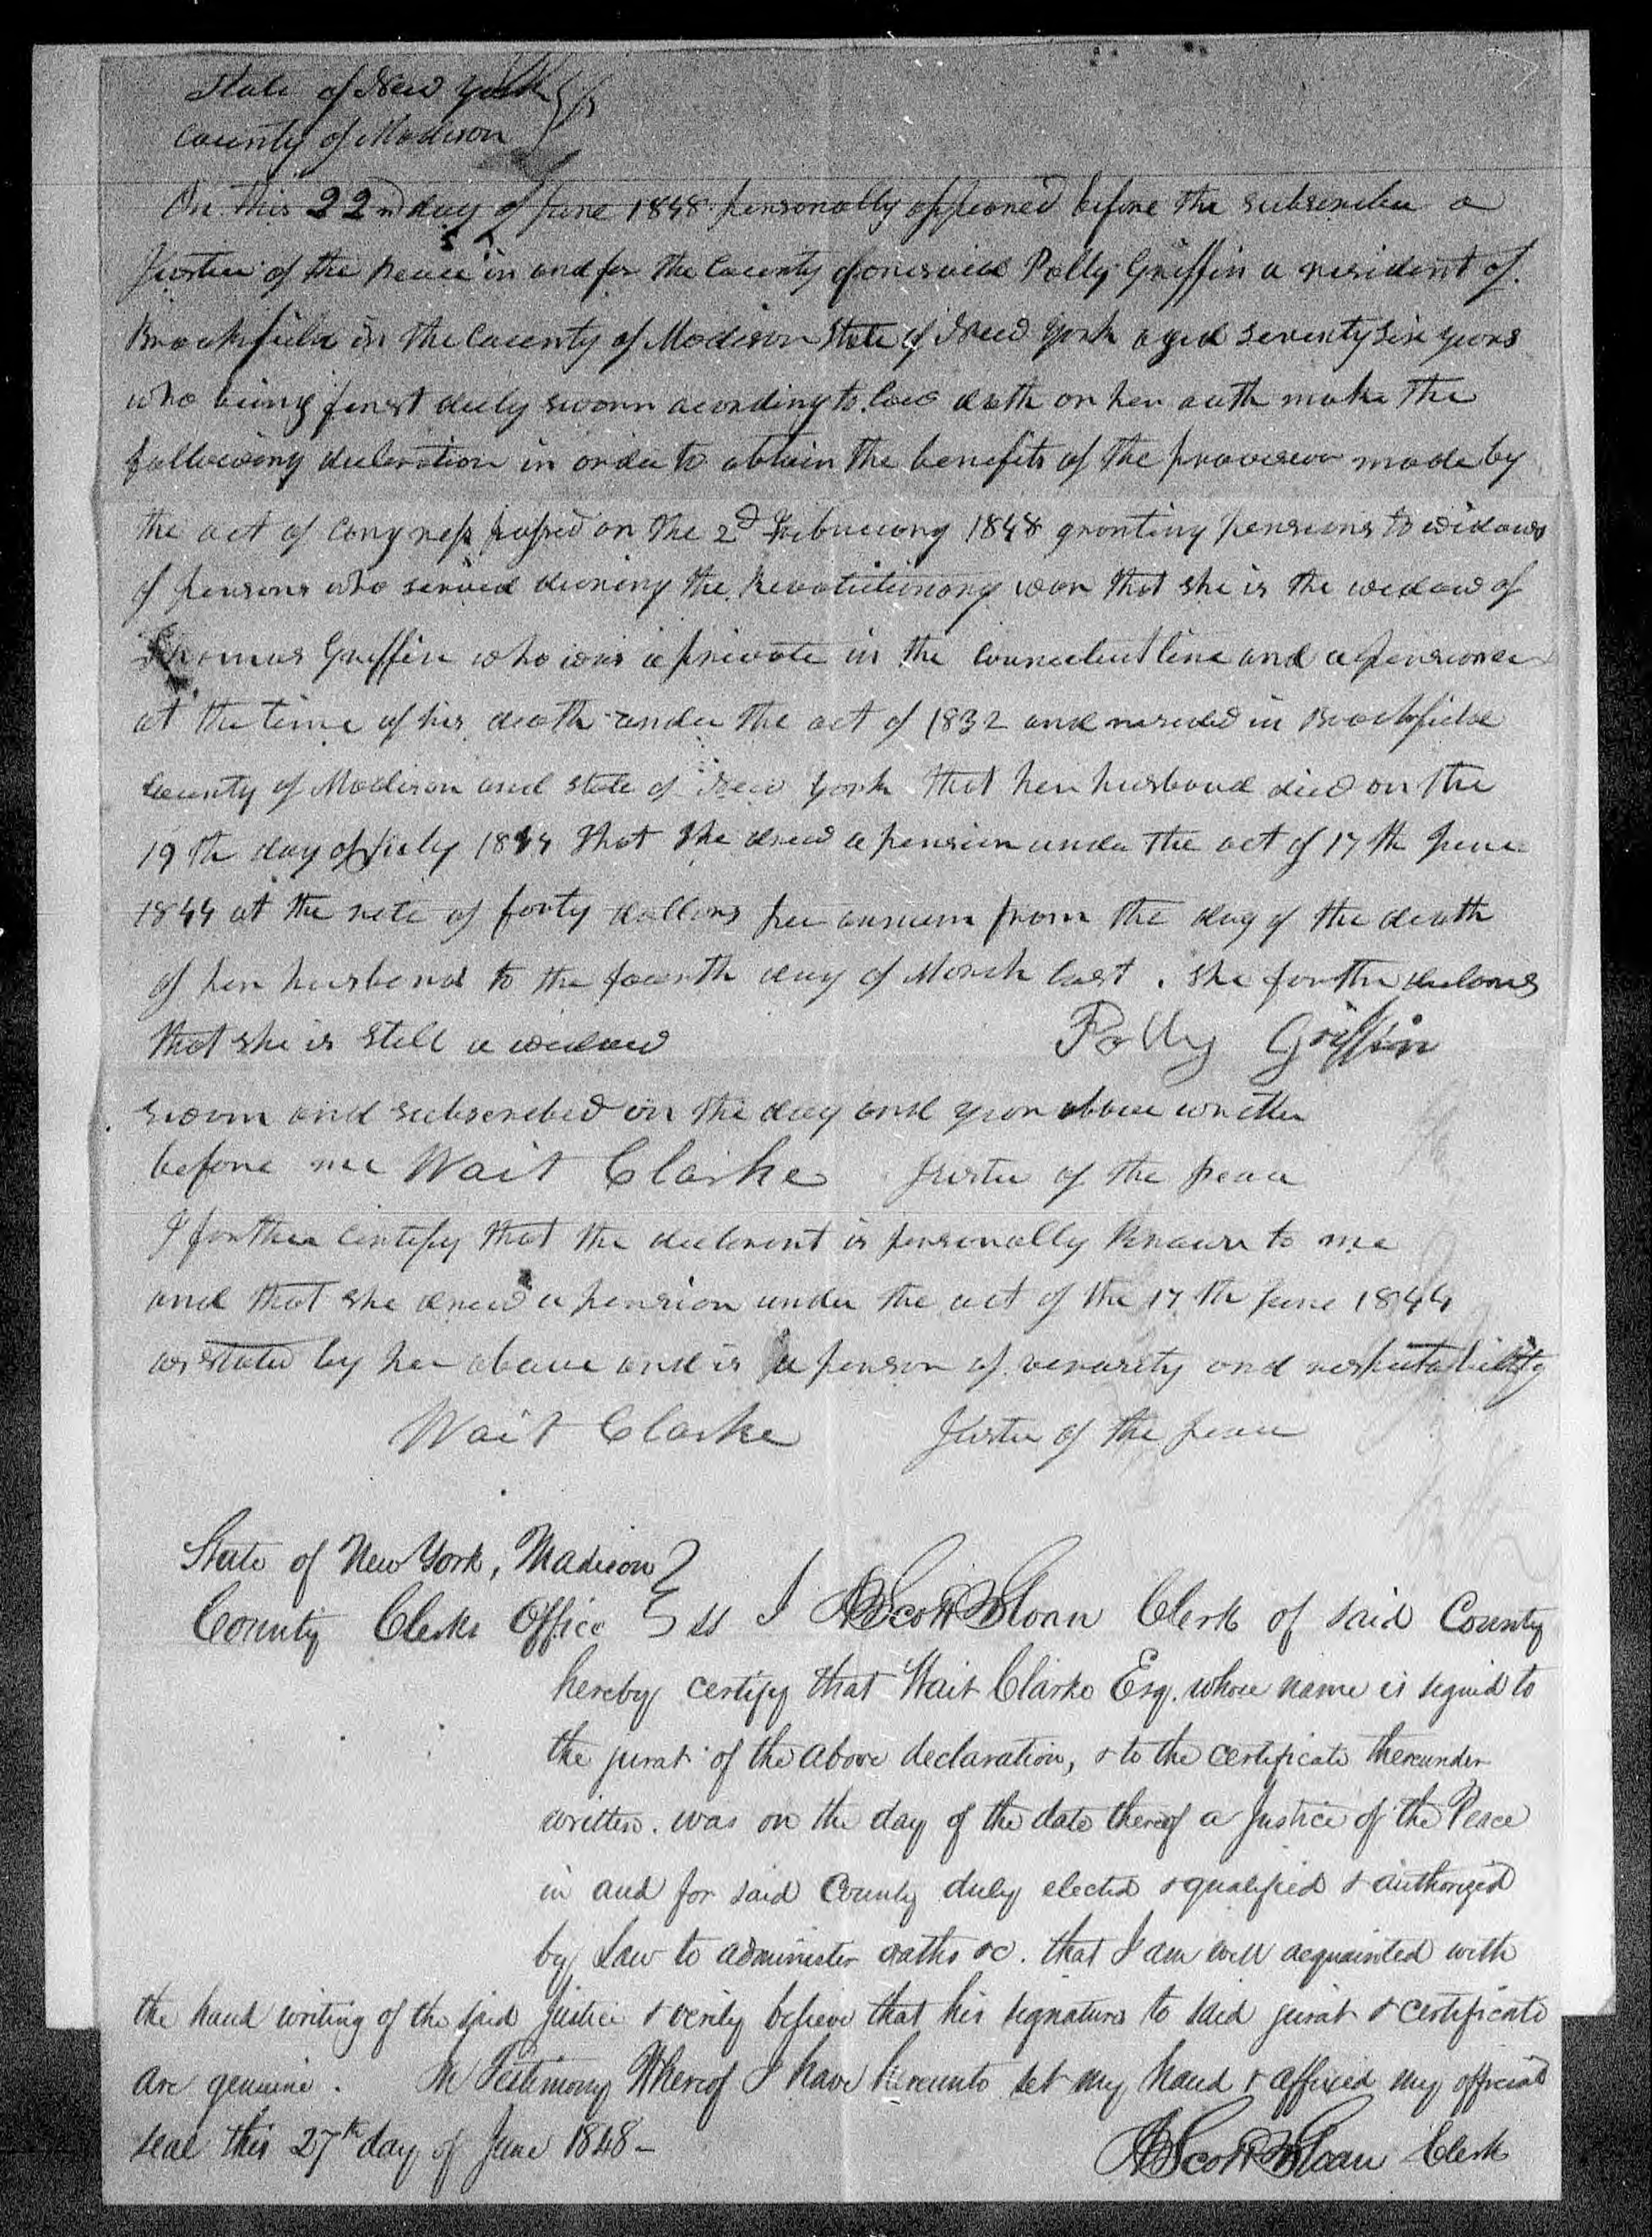State of New York County of Madison ss
On this 22nd day of June 1848 personally appeared before the subscriber a Justice of the Peace in and for the County aforesaid Polly Griffin a resident of Brookfield in the County of Madison State of New York aged seventy six years who being first duly sworn according to law doth on her oath make the following declaration in order to obtain the benefits of the provision made by the act of Congress passed on the 2d February 1848 granting pensions to widows of persons who served during the Revolutionary war
That she is the widow of Thomas Griffin who was a private in the Connecticut line and a pensioner at the time of his death under the act of 1832 and resided in Brookfield County of Madison and State of New York, that her husband died on the 19th day of July 1844, that she drew a pension under the act of 17th June 1844 at the rate of forty dollars per annum from the day of the death of her husband to the fourth day of March last. She further allows that she is still a widow
[signed] Polly Griffin
Sworn and subscribed on the day and year above written before me Wait Clarke Justice of the peace
I further certify that the declarant is personally known to me and that she drew a pension under the act of the 17th June 1844 as stated by her above and is a person of veracity and reputability
Wait Clarke Justice of the peace
State of New York, Madison County Clerks Office ss
I A Scott Sloan Clerk of said County hereby certify that Wait Clarke Esq. whose name is signed to the jurat of the above declaration, & to the certificate thereunder written, was on the day of the date thereof a Justice of the Peace in and for said County duly elected & qualified & authorized by Law to administer oaths, & that I am well acquainted with hand writing of the said Justice & verily believe that his signatures to said jurat & certificate are genuine.
In Testimony whereof I have hereunto set my hand & affixed my office and seal this 27th day of June 1848 — A Scott Sloan Clerk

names: Wait Clarke, Polly Griffin, Thomas Griffin, A Scott Sloan, Wait Clarke, A Scott Sloan, Wait Clarke, Polly Griffin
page: 44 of 60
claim: widow's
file: W. 19,537, Thomas Griffin, Conn.